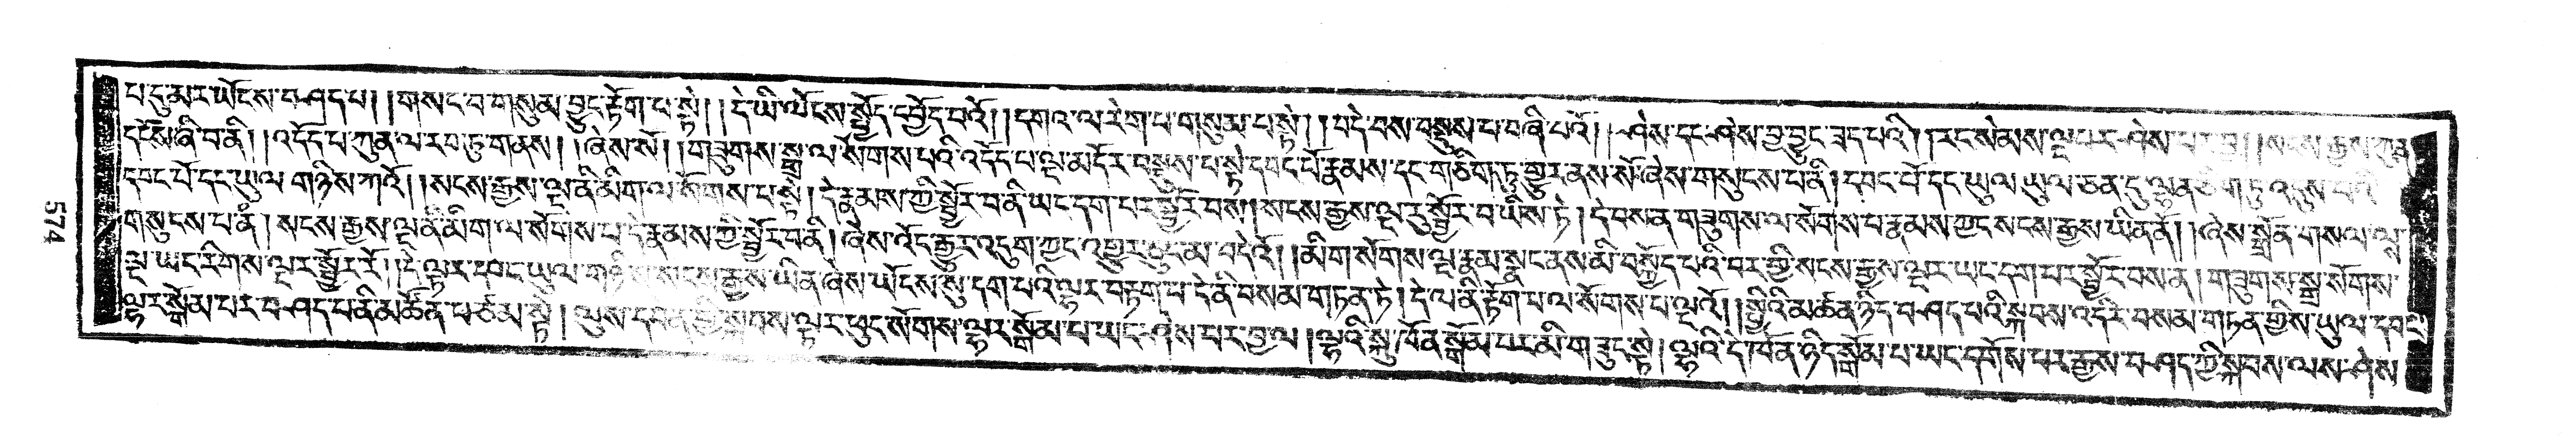པ་དུ་མར་ཡོངས་བཤད་པ། །གསང་བ་གསུམ་བྱུང་རྟོག་པ་སྟེ། །དེ་ཡི་ལོངས་སྤྱོད་དཔྱོད་པའོ། །དགའ་ལ་རེག་པ་གསུམ་པ་སྟེ། །བདེ་བས་བསྡུས་པ་བཞི་པའོ། །ཤེས་དང་ཤེས་བྱ་བྱུང་ཟད་པའོ། །རང་སེམས་ལྔ་པར་ཤེས་པར་བྱ། །སངས་རྒྱས་ཀུན་
དངོས་ཞི་བ་ནི། །འདོད་པ་ཀུན་ལ་རབ་ཏུ་གནས། །ཞེས་སོ། །གཟུགས་སྒྲ་ལ་སོགས་པའི་འདོད་པ་ལྔ་མདོར་བསྡུས་པ་སྟེ་དབང་པོ་རྣམས་དང་གཅིག་ཏུ་གྱུར་ནས་སོ་ཞེས་གསུངས་པ་ནི། དབང་པོ་དང་ཡུལ་ཡུལ་ཅན་དུ་ལྷན་ཅིག་ཏུ་འདུས་པའི་
དབང་པོ་དང་ཡུལ་གཉིས་ཀའོ། །སངས་རྒྱས་ལྔ་ནི་མིག་ལ་སོགས་པ་སྟེ། དེ་རྣམས་ཀྱི་སྦྱོར་བ་ནི་ཡང་དག་པར་སྦྱོར་བས། སངས་རྒྱས་ལྔ་རུ་སྦྱོར་བ་ཡིས་ཏེ། དེ་བས་ན་གཟུགས་ལ་སོགས་པ་རྣམས་ཀྱང་སངས་རྒྱས་ཡིན་ནོ། །ཞེས་སྒྲོན་གསལ་ལས་
གསུངས་པ་ནི། སངས་རྒྱས་ལྔ་ནི་མིག་ལ་སོགས་པ་དེ་རྣམས་ཀྱི་སྦྱོར་བ་ནི། ཞེས་འོད་རྒྱུར་འདུག་ཀྱང་འགྱུར་ཅུང་མ་བདེའོ། །མིག་སོགས་ལྔ་རྣམ་སྣང་ནས་མི་བསྐྱོད་པའི་བར་གྱི་སངས་རྒྱས་ལྔར་ཡང་དག་པར་སྦྱོར་བས་ན། གཟུགས་སྒྲ་སོགས་
ལྔ་ཡང་རིགས་ལྔར་སྦྱར་རོ། །དེ་ལྟར་དབང་ཡུལ་གཉིས་སངས་རྒྱས་ཡིན་ཞེས་ཡོངས་སུ་དག་པའི་ལྷར་བརྟག་པ་དེ་ནི་བསམ་གཏན་ཏེ། དེ་ལ་ནི་རྟོག་བ་ལ་སོགས་པ་ལྔའོ། །སྤྱིའི་མཚན་ཉིད་བཤད་པའི་སྐབས་འདིར་བསམ་གཏན་གྱིས་ཡུལ་དབང་
ལྷར་སྒོམ་པར་བཤད་པ་ནི་མཚོན་པ་ཙམ་སྟེ། ལུས་དབེན་གྱི་སྐབས་ལྟར་ཕུང་སོགས་ལྷར་སྒོམ་པ་ཡང་ཤེས་པར་བྱ་ལ། ལྷའི་སྐུ་ཁོ་ན་སྒོམ་པར་མི་གཟུང་སྟེ། ལྷའི་དེ་ཁོ་ན་ཉིད་སྒོམ་པ་ཡང་དགོས་པར་རྒྱས་བཤད་ཀྱི་སྐབས་ལས་ཤེས་